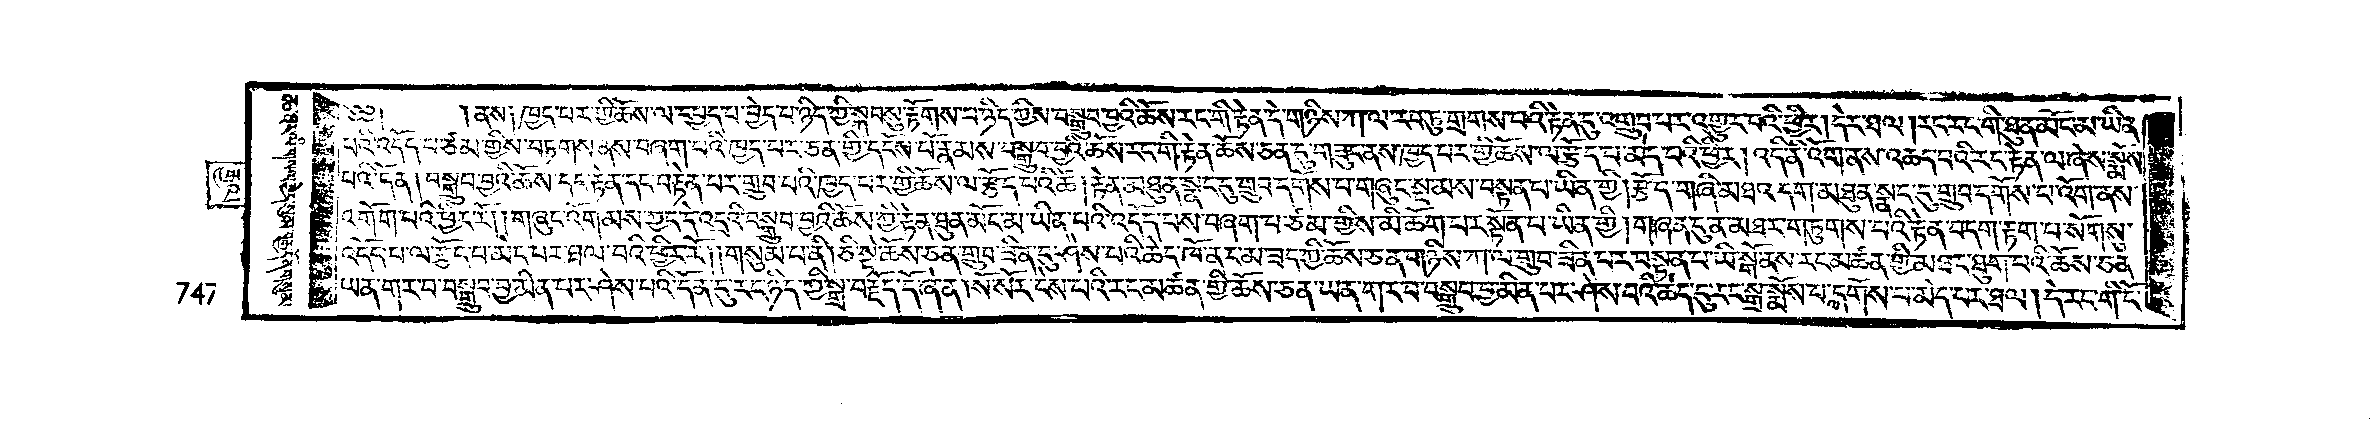༄༅། །ནས། ཁྱད་པར་གྱི་ཆོས་ལ་དཔྱད་པ་བྱེད་པ་ཉིད་ཀྱི་སྐབས་སུ་རྟོགས་པ་ཉིད་ཀྱིས་བསྒྲུབ་བྱའི་ཆོས་རང་གི་རྟེན་དེ་གཉིས་ཀ་ལ་རབ་ཏུ་གྲགས་པའི་རྟེན་དུ་འགྲུབ་པར་འགྱུར་བའི་ཕྱིར། དེར་ཐལ། རང་རང་གི་ཐུན་མོང་མ་ཡིན་
པའི་འདོད་པ་ཙམ་གྱིས་བཏགས་ནས་བཞག་པའི་ཁྱད་པར་ཅན་གྱི་དངོས་པོ་རྣམས་བསྒྲུབ་བྱའི་ཆོས་རང་གི་རྟེན་ཆོས་ཅན་དུ་གཟུང་ནས་ཁྱད་པར་གྱི་ཆོས་ལ་རྩོད་པ་མེད་པའི་ཕྱིར། འདི་ནི་འོག་ནས་འཆད་པའི་རང་རྟེན་ལ་ཞེས་སྨོས་
པའི་དོན། བསྒྲུབ་བྱའི་ཆོས་དང་རྟེན་དང་བརྟེན་པར་གྲུབ་པའི་ཁྱད་པར་གྱི་ཆོས་ལ་རྩོད་པའི་ཚེ། རྟེན་མཐུན་སྣང་དུ་གྲུབ་དགོས་པ་གཞུང་སྔ་མས་བསྟན་པ་ཡིན་གྱི། རྩོད་གཞི་མཐའ་དག་མཐུན་སྣང་དུ་གྲུབ་དགོས་པ་འོག་ནས་
འགོག་པའི་ཕྱིར་རོ། །གཞུང་འོག་མས་ཀྱང་དེ་འདྲའི་བསྒྲུབ་བྱའི་ཆོས་ཀྱི་རྟེན་ཐུན་མོང་མ་ཡིན་པའི་འདོད་པས་བཞག་པ་ཙམ་གྱིས་མི་ཆོག་པར་སྟོན་པ་ཡིན་གྱི། གཞན་དུ་ན་མཐར་གཏུགས་པའི་རྟེན་བདག་རྟག་པ་སོགས་སུ་
འདོད་པ་ལ་རྩོད་པ་མེད་པར་ཐལ་བའི་ཕྱིར་རོ། །གསུམ་པ་ནི། ཅི་སྟེ་ཆོས་ཅན་གྲུབ་ཟིན་དུ་ཤེས་པའི་ཆེད་ཁོ་ནར་མ་ཟད་ཀྱི་ཆོས་ཅན་གཉིས་ཀ་ལ་གྲུབ་ཟིན་པར་བསྟན་པ་ཡི་སྒོ་ནས་རང་མཚན་གྱི་མཐར་ཐུག་པའི་ཆོས་ཅན་
ཡན་གར་བ་བསྒྲུབ་བྱ་མིན་པར་ཤེས་པའི་དོན་དུ་རང་ཉིད་ཀྱི་སྒྲ་བརྗོད་དོ་ཞེ་ན། སོ་སོར་ངེས་པའི་རང་མཚན་གྱི་ཆོས་ཅན་ཡན་གར་བ་བསྒྲུབ་བྱ་མིན་པར་ཤེས་པའི་ཆེད་དུ་རང་སྒྲ་སྨོས་པ་ལ་དགོས་པ་མེད་པར་ཐལ། དེ་རང་གི་ངོ་